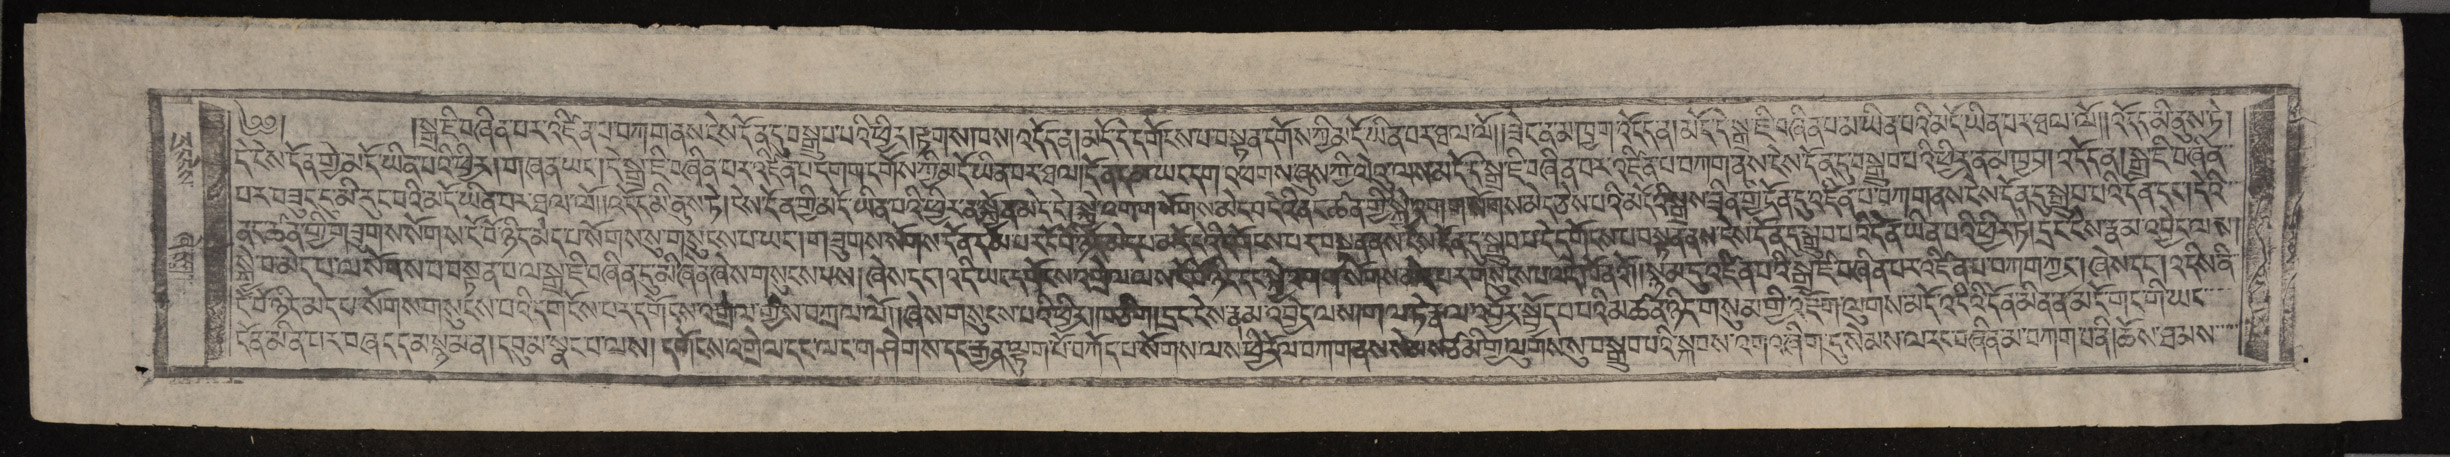༄༅། །སྒྲ་ཇི་བཞིན་པར་འཛིན་པ་བཀག་ནས་ངེས་དོན་དུ་བསྒྲུབ་པའི་ཕྱིར། རྟགས་ཁས། འདོད་ན། མདོ་དེ་དགོངས་པ་བསྟན་དགོས་ཀྱི་མདོ་ཡིན་པར་ཐལ་ལོ། །ཟེར་ན་མ་ཁྱབ། འདོད་ན། མདོ་དེ་སྒྲ་ཇི་བཞིན་པ་མ་ཡིན་པའི་མདོ་ཡིན་པར་ཐལ་ལོ། །འདོད་མི་ནུས་ཏེ།
དེ་ངེས་དོན་གྱི་མདོ་ཡིན་པའི་ཕྱིར། གཞན་ཡང་། དེ་སྒྲ་ཇི་བཞིན་པར་འཛིན་པ་དགག་དགོས་ཀྱི་མདོ་ཡིན་པར་ཐལ། དོན་དམ་ཡང་དག་འཕགས་ཞུས་ཀྱི་ལེའུ་ལས་མདོ་དེ་སྒྲ་ཇི་བཞིན་པར་འཛིན་པ་བཀག་ནས་ངེས་དོན་དུ་བསྒྲུབ་པའི་ཕྱིར་ན་མ་ཁྱབ། འདོད་ན། སྒྲ་ཇི་བཞིན་
པར་བཟུང་དུ་མི་རུང་བའི་མདོ་ཡིན་པར་ཐལ་ལོ། །འདོད་མི་ནུས་ཏེ། ངེས་དོན་གྱི་མདོ་ཡིན་པའི་ཕྱིར་ན་སྐྱོན་མེད་དེ། སྐྱེ་འགག་སོགས་མེད་པ་དེའི་ནང་ཚན་གྱི་སྐྱེ་འགག་སོགས་མེད་ཅེས་པའི་མདོའི་སྒྲས་ཟིན་གྱི་དོན་དུ་འཛིན་པ་བཀག་ནས་ངེས་དོན་དུ་སྒྲུབ་པའི་དོན་དང་། དེའི་
ནང་ཚན་གྱི་གཟུགས་སོགས་ངོ་བོ་ཉིད་མད་པ་སོགས་སུ་གསུངས་པ་ཡང་། གཟུགས་སོགས་དོན་དམ་པར་ངོ་བོ་ཉིད་མེད་པ་མདོ་དེའི་དགོངས་པར་བསྟན་ནས་ངེས་དོན་དུ་སྒྲུབ་པ་དེ་དགོངས་པ་བསྟན་ནས་ངེས་དོན་དུ་སྒྲུབ་པའི་དོན་ཡིན་པའི་ཕྱིར་ཏེ། དྲང་ངེས་རྣམ་འབྱེད་ལས།
སྐྱེ་བ་མེད་པ་ལ་སོགས་པ་བསྟན་པ་ལ་སྒྲ་ཇི་བཞིན་དུ་མི་ཞེན་ཞེས་གསུངས་པས། ཞེས་དང་། འདི་ཡང་དགོངས་འགྲེལ་ལས་ངོ་བོ་ཉིད་དང་སྐྱེ་འགག་སོགས་མེད་པར་གསུངས་པ་ལ་དེ་ཁོ་ནའོ། །སྙམ་དུ་འཛིན་པའི་སྒྲ་ཇི་བཞིན་པར་འཛིན་པ་བཀག་ཀྱང་། ཞེས་དང་། འདིས་ནི་
ངོ་བོ་ཉིད་མེད་པ་སོགས་གསུངས་པའི་དགོངས་པར་དགོངས་འགྲལ་གྱིས་བཀྲལ་ལོ། །ཞེས་གསུངས་པའི་ཕྱིར། ཁ་ཅིག། དྲང་ངེས་རྣམ་འབྱེད་ལས། གལ་ཏེ་རྣལ་འབྱོར་སྤྱོད་པ་པའི་མཚན་ཉིད་གསུམ་གྱི་འཇོག་ལུགས་མདོ་འདིའི་དོན་མིན་ན་མདོ་གང་གི་ཡང་
དོན་མིན་པར་བཞེད་དམ་སྙམ་ན། དབུ་མ་སྣང་བ་ལས། དགོངས་འགྲེལ་དང་ལང་གཤེགས་དང་རྒྱན་ལྟུག་པོ་བཀོད་པ་སོགས་ལས་ཕྱི་རོལ་བཀག་ནས་སེམས་ཙམ་གྱི་ལུགས་སུ་བསྒྲུབ་པའི་སྐབས་འགའ་ཞིག་དུ་སེམས་ལ་རང་བཞིན་མ་བཀག་པ་ནི། ཆོས་ཐམས་